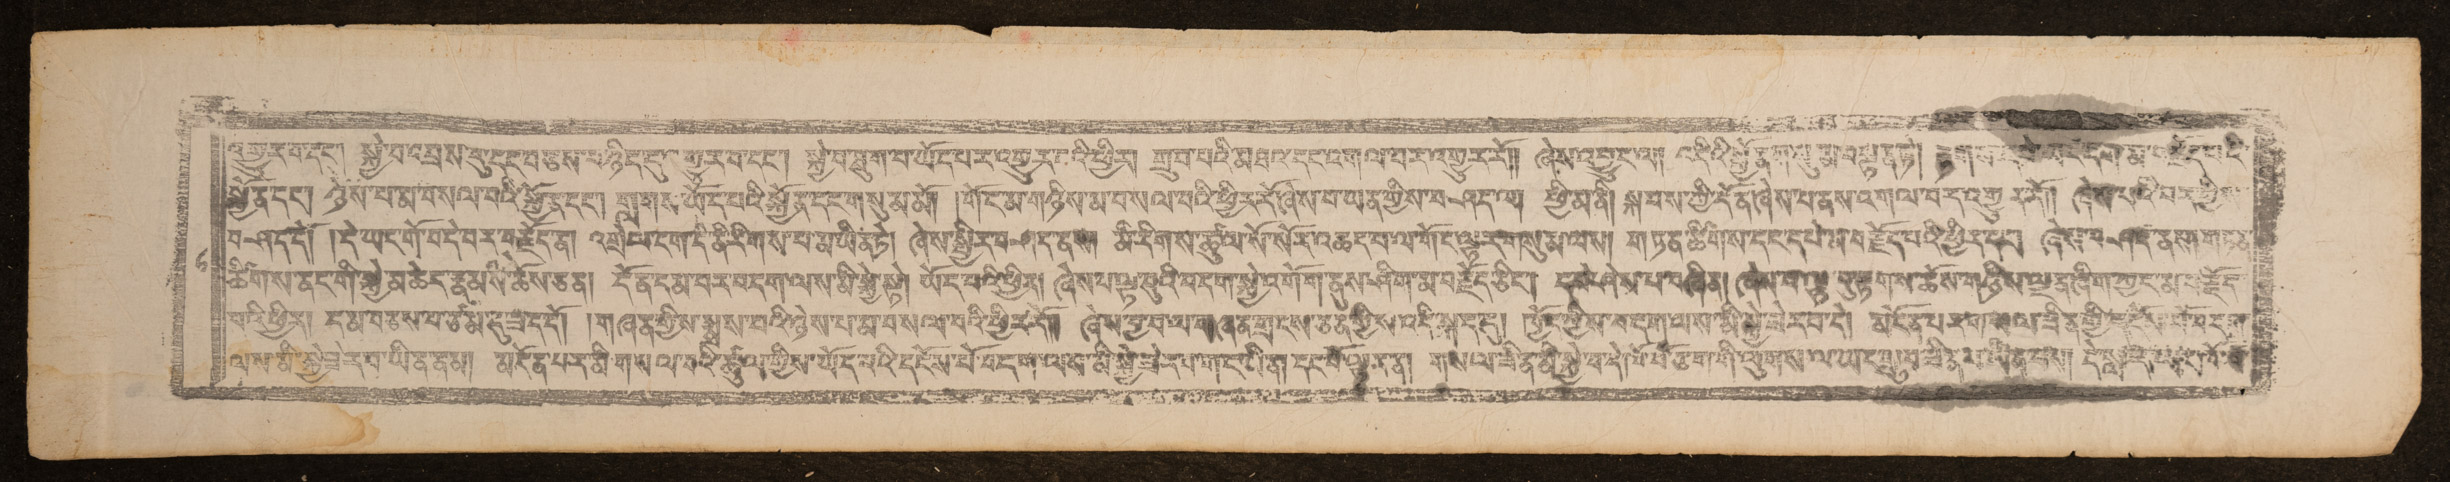འགྱུར་བ་དང་། སྐྱེ་བ་འབྲས་བུ་དང་བཅས་པ་ཉིད་དུ་འགྱུར་བ་དང་། སྐྱེ་བ་ཐུག་པ་ཡོད་པར་འགྱུར་བའི་ཕྱིར། གྲུབ་པའི་མཐའ་དང་འགལ་བར་འགྱུར་རོ། །ཞེས་འབྱུང་ལ། འདིའི་སྐྱོན་གསུམ་བསྟན་ཏེ། རྟགས་དཔེ་ཡང་དག་མ་བརྗོད་པའི་
སྐྱོན་དང་། ཉེས་པ་མ་བསལ་བའི་སྐྱོན་དང་། གླགས་ཡོད་པའི་སྐྱོན་དང་གསུམ་མོ། །གོང་མ་གཉིས་མ་བསལ་བའི་ཕྱིར་རོ་ཞེས་པ་ཡན་གྱིས་བཤད་ལ། ཕྱི་མ་ནི། སྐབས་ཀྱི་དོན་ཞེས་པ་ནས་འགལ་བར་འགྱུར་རོ། །ཞེས་པའི་བར་གྱིས་
བཤད་དོ། །དེ་ཡང་གོ་བདེ་བར་བརྗོད་ན། འགྲེལ་ངག་དེ་ནི་རིགས་པ་མ་ཡིན་ཏེ། ཞེས་སྤྱིར་བཤད་ནས། མི་རིགས་ཚུལ་སོ་སོར་འཆད་པ་ལ་གོང་ལྟར་གསུམ་ལས། གཏན་ཚིགས་དང་དཔེ་མ་བརྗོད་པའི་ཕྱིར་དང་། ཞེས་བཤད་ནས། གཏན་
ཚིགས་ནང་གི་སྐྱེ་མཆེད་རྣམས་ཆོས་ཅན། དོན་དམ་པར་བདག་ལས་མི་སྐྱེ་སྟེ། ཡོད་པའི་ཕྱིར། ཞེས་པ་ལྟ་བུའི་བདག་སྐྱེ་འགོག་ནུས་ཤིག་མ་བརྗོད་ཅིང་། དཔེ་ཤེས་པ་བཞིན། ཞེས་པ་ལྟ་བུ་རྟགས་ཆོས་གཉིས་ལྡན་ཞིག་ཀྱང་མ་བརྗོད་
པའི་ཕྱིར། དམ་བཅས་པ་ཙམ་དུ་ཟད་དོ། །གཞན་གྱིས་སྨྲས་པའི་ཉེས་པ་མ་བསལ་བའི་ཕྱིར་རོ། །ཞེས་བྱ་བ་ལ་གཞན་གྲངས་ཅན་གྱིས་འདི་སྐད་དུ། ཁྱོད་ཀྱིས་བདག་ལས་མི་སྐྱེ་ཟེར་བ་དེ། མངོན་པར་གསལ་ཟིན་གྱི་དངོས་པོ་བདག་
ལས་མི་སྐྱེ་ཟེར་བ་ཡིན་ནམ། མངོན་པར་མི་གསལ་བའི་ཚུལ་གྱིས་ཡོད་པའི་དངོས་པོ་བདག་ལས་མི་སྐྱེ་ཟེར་བ་གང་ཡིན། དང་པོ་ལྟར་ན། གསལ་ཟིན་མི་སྐྱེ་བ་དེ་ཁོ་བོ་ཅག་གི་ལུགས་ལ་ཡང་གྲུབ་ཟིན་པ་ཡིན་པས། དེ་སླར་ཡང་ཁོ་བོ་